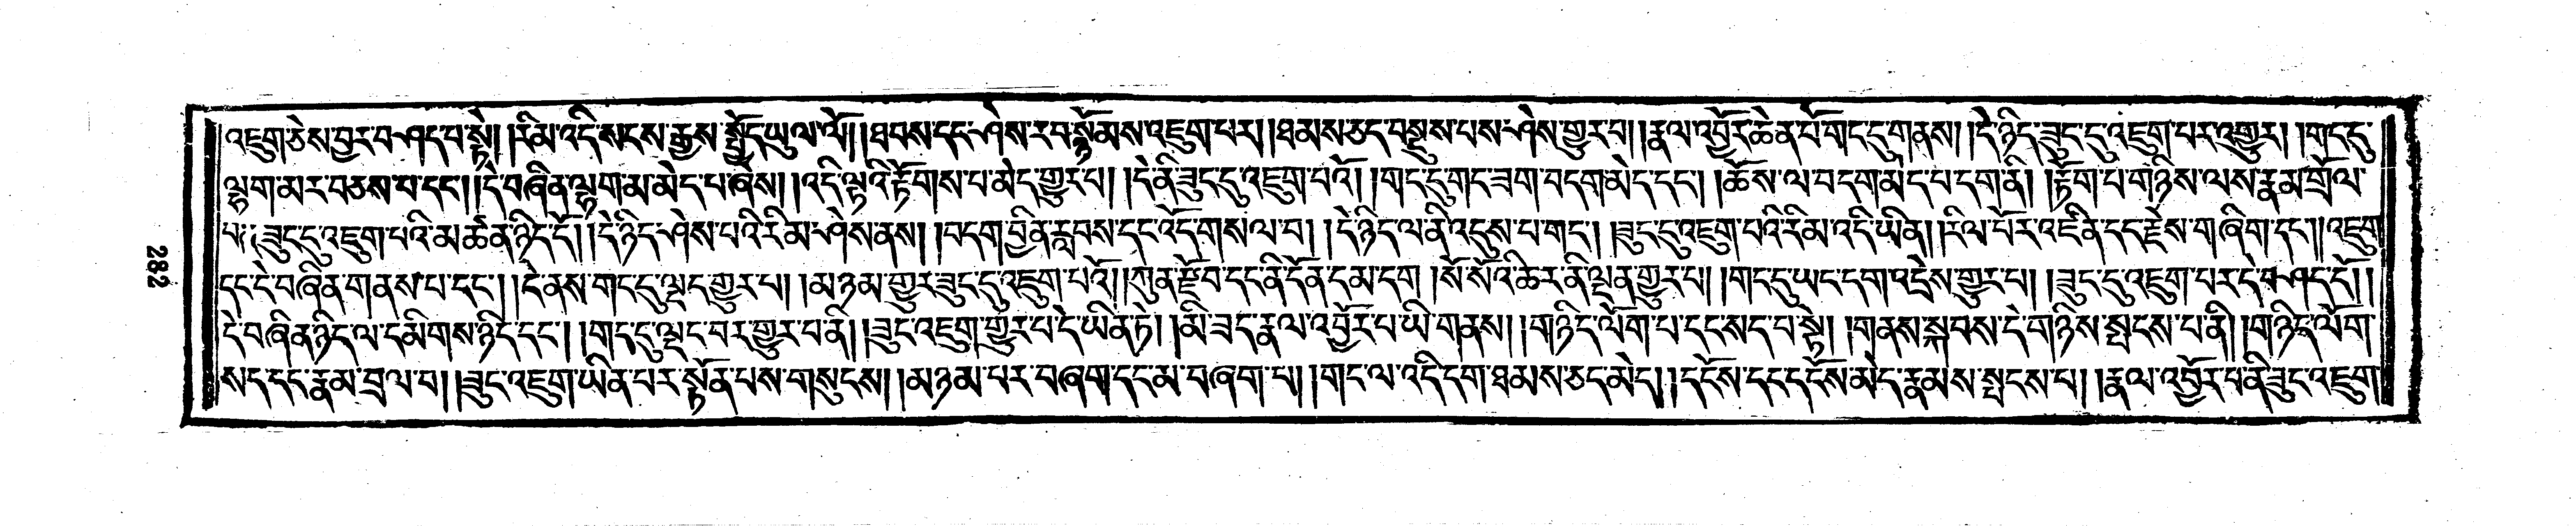འཇུག་ཅེས་བྱར་བཤད་པ་སྟེ། །རིམ་འདི་སངས་རྒྱས་སྤྱོད་ཡུལ་ལོ། །ཐབས་དང་ཤེས་རབ་སྙོམས་འཇུག་པར། །ཐམས་ཅད་བསྡུས་པས་ཤེས་གྱུར་པ། །རྣལ་འབྱོར་ཆེན་པོ་གང་དུ་གནས། །དེ་ཉིད་ཟུང་དུ་འཇུག་པར་འགྱུར། །གང་དུ་
ལྷག་མར་བཅས་པ་དང་། །དེ་བཞིན་ལྷག་མ་མེད་པ་ཞེས། །འདི་ལྟའི་རྟོགས་པ་མེད་གྱུར་པ། །དེ་ནི་ཟུང་དུ་འཇུག་པའོ། །གང་དུ་གང་ཟག་བདག་མེད་དང་། །ཆོས་ལ་བདག་མེད་པ་དག་ནི། །རྟོག་པ་གཉིས་ལས་རྣམ་གྲོལ་
བ༑ ༑ཟུང་དུ་འཇུག་པའི་མཚན་ཉིད་དོ། །དེ་ཉིད་ཤེས་པའི་རིམ་ཤེས་ནས། །བདག་བྱིན་རླབས་དང་འོད་གསལ་བ། །དེ་ཉིད་ལ་ནི་འདུས་པ་གང་། །ཟུང་དུ་འཇུག་པའི་རིམ་འདི་ཡིན། །རིལ་པོར་འཛིན་དང་རྗེས་གཞིག་དང་། །འཇུག་
དང་དེ་བཞིན་གནས་པ་དང་། །དེ་ནས་གང་དུ་ལྡང་གྱུར་པ། །མཉམ་གྱུར་ཟུང་དུ་འཇུག་པའོ། །ཀུན་རྫོབ་དང་ནི་དོན་དམ་དག །སོ་སོའི་ཆར་ནི་ལྡན་གྱུར་པ། །གང་དུ་ཡང་དག་འདྲེས་གྱུར་པ། །ཟུང་དུ་འཇུག་པར་དེ་བཤད་དོ། །
དེ་བཞིན་ཉིད་ལ་དམིགས་ཉིད་དང་། །གང་དུ་ལྡང་བར་གྱུར་བ་ནི། །ཟུང་འཇུག་གྱུར་བ་དེ་ཡིན་ཏེ། །མི་ཟད་རྣལ་འབྱོར་བ་ཡི་གནས། །གཉིད་ལོག་པ་དང་སད་པ་སྟེ། །གནས་སྐབས་དེ་གཉིས་སྤངས་པ་ནི། །གཉིད་ལོག་
སད་དང་རྣམ་བྲལ་བ། །ཟུང་འཇུག་ཡིན་པར་སྟོན་པས་གསུངས། །མཉམ་པར་བཞག་དང་མ་བཞག་པ། །གང་ལ་འདི་དག་ཐམས་ཅད་མེད། །དངོས་དང་དངོས་མེད་རྣམས་སྤངས་པ། །རྣལ་འབྱོར་པ་ནི་ཟུང་འཇུག་